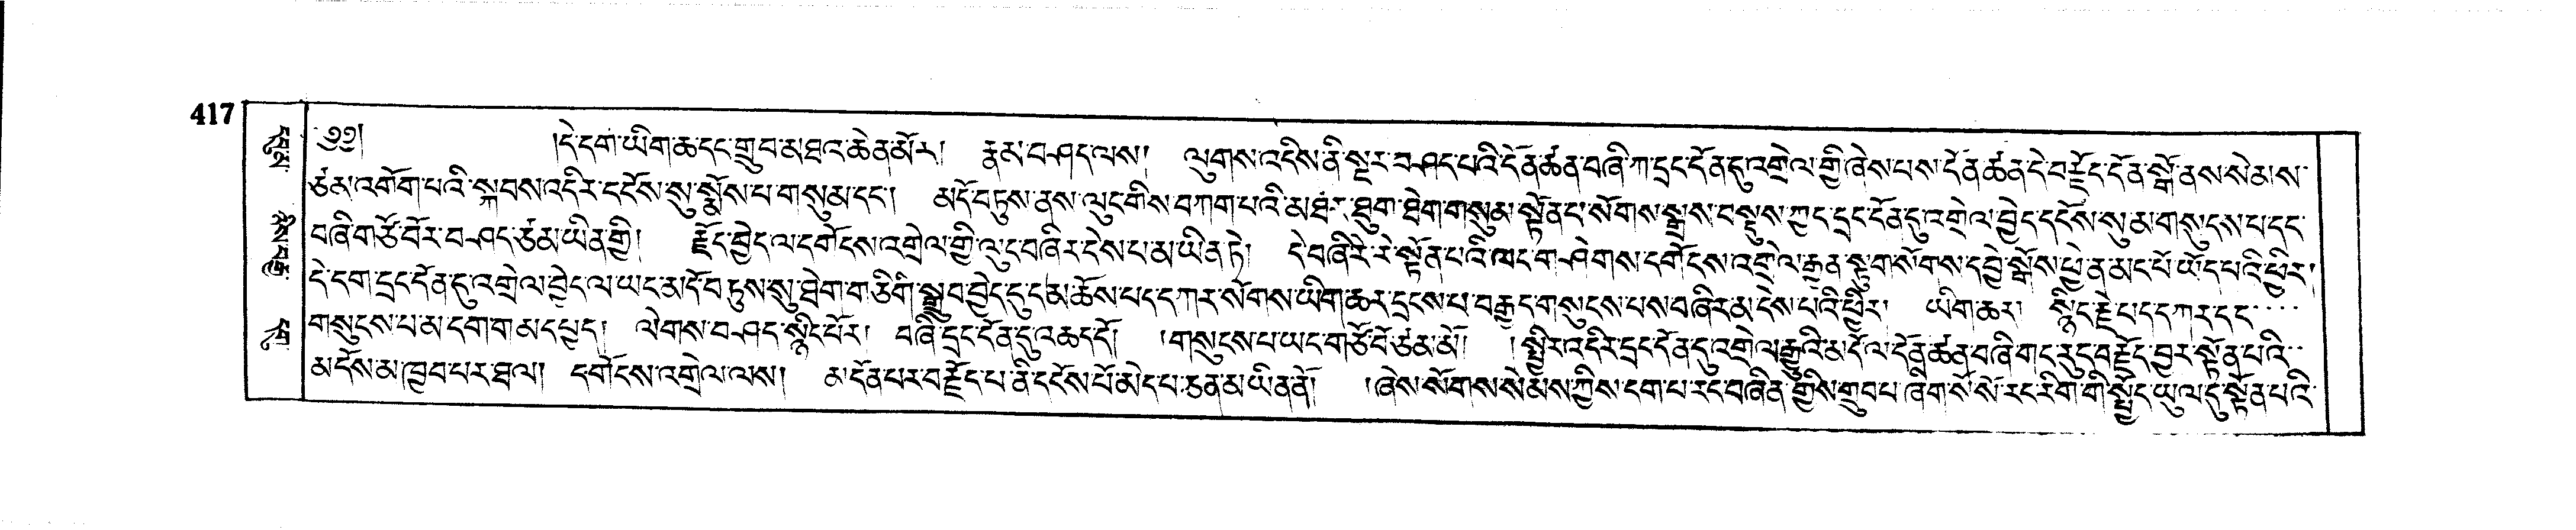༄༅། །དེ་དག་ཡིག་ཆ་དང་གྲུབ་མཐའ་ཆེན་མོར། རྣམ་བཤད་ལས། ལུགས་འདིས་ནི་སྔར་བཤད་པའི་དོན་ཚན་གཞི་ཀ་དྲང་དོན་དུ་འགྲེལ་གྱི་ཞེས་པས་དོན་ཚན་དེ་བརྗོད་དོན་སྒོ་ནས་སེམས་
ཙམ་འགོག་པའི་སྐབས་འདིར་དངོས་སུ་སྨོས་པ་གསུམ་དང་། མདོ་བཏུས་ནས་ལུང་གིས་བཀག་པའི་མཐར་ཐུག་ཐེག་གསུམ་སྟོན་པ་སོགས་སྒྲས་བསྡུས་ཀྱང་དྲང་དོན་དུ་འགྲེལ་བྱེད་དངོས་སུ་མ་གསུངས་པ་དང་
བཞི་གཙོ་བོར་བཤད་ཙམ་ཡིན་གྱི། རྗོད་བྱེད་ལ་དགོངས་འགྲེལ་གྱི་ལུང་བཞིར་ངེས་པ་མ་ཡིན་ཏེ། དེ་བཞི་རེ་རེ་སྟོན་པའི་ལང་གཤེགས་དགོངས་འགྲེལ་རྒྱན་སྟུག་སོགས་དབྱེ་སྒོས་ཕྱེ་ན་མང་པོ་ཡོད་པའི་ཕྱིར།
དེ་དག་དྲང་དོན་དུ་འགྲེལ་བྱེད་ལ་ཡང་མདོ་བཏུས་སུ་ཐེག་གཅིག་གི་སྒྲུབ་བྱེད་དུ་དམ་ཆོས་པད་དཀར་སོགས་ཡིག་ཆར་དྲངས་པ་བརྒྱད་གསུངས་པས་བཞིར་མ་ངེས་པའི་ཕྱིར། ཡིག་ཆར། སྙིང་རྗེ་པད་དཀར་དང་
གསུངས་པ་མ་དགག་མ་དཔྱད། ལེགས་བཤད་སྙིང་པོར། བཞི་དྲང་དོན་དུ་འཆད་དོ། །གསུངས་པ་ཡང་གཙོ་བོ་ཙམ་མོ། །སྤྱིར་འདིར་དྲང་དོན་དུ་འགྲེལ་རྒྱུའི་མདོ་ལ་དོན་ཚན་བཞི་གང་རུང་བརྗོད་བྱར་སྟོན་པའི་
མདོས་མ་ཁྱབ་པར་ཐལ། དགོངས་འགྲེལ་ལས། མདོན་པར་བརྗོད་པ་ནི་དངོས་པོ་མེད་པ་ཅན་མ་ཡིན་ནོ། །ཞེས་སོགས་སེམས་ཀྱིས་དག་པ་རང་བཞིན་གྱིས་གྲུབ་པ་ཞིག་སོ་སོ་རང་རིག་གི་སྤྱོད་ཡུལ་དུ་སྟོན་པའི་